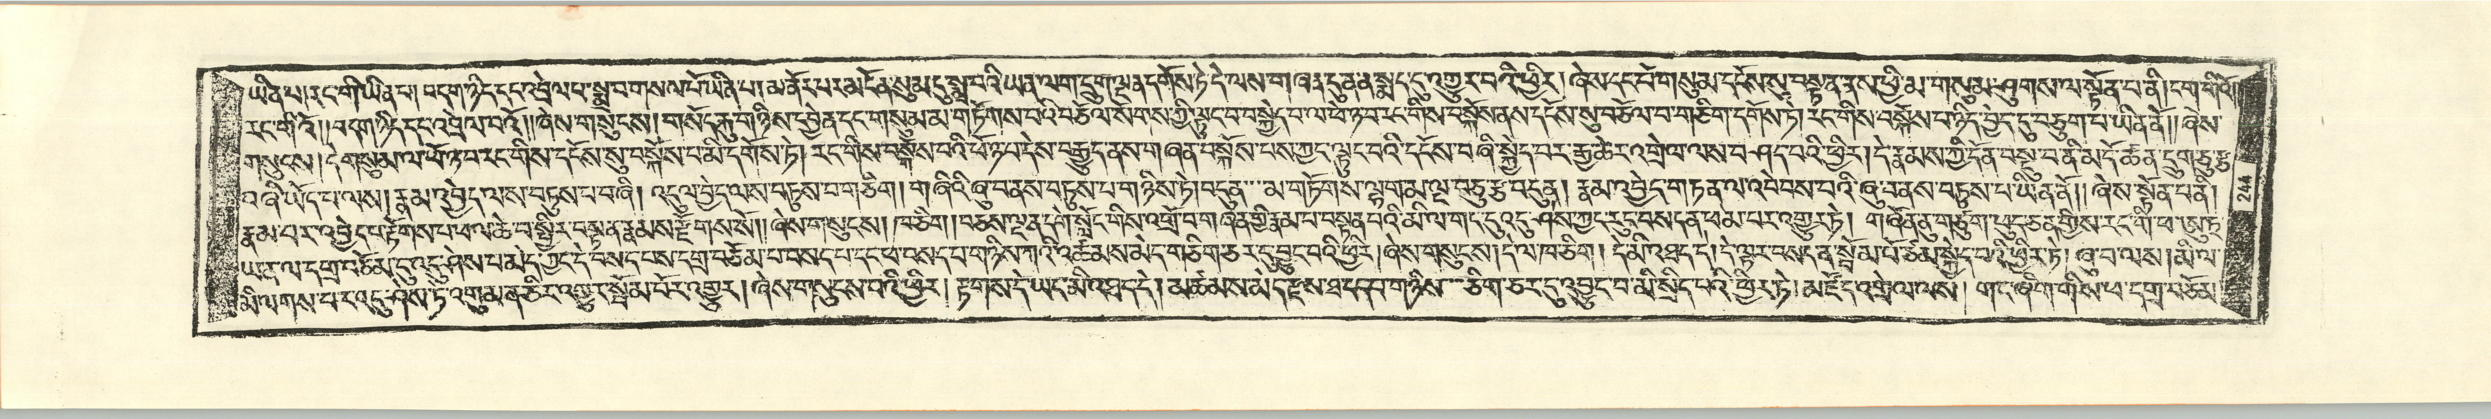ཡིན་པ། རང་གི་ཡིན་པ། བདག་ཉིད་དང་འབྲེལ་པ་སྨྲ་བ་གསལ་པོ་ཡིན་པ། མ་ནོར་པར་མངོན་སུམ་དུ་སྨྲ་བའི་ཡན་ལག་དྲུག་ལྡན་དགོས་ཏེ་དེ་ལས་གཞན་དུ་ན་ན་སྨད་དུ་འགྱུར་བའི་ཕྱིར། ཞེས་དང་བོ་གསུམ་དངོས་སུ་བསྟན་ནས་ཕྱི་མ་གསུམ་ཤུགས་ལ་སྟོན་པ་ནི། ངག་གིའོ།
རང་གིའོ། །བདག་ཉིད་དང་འབྲེལ་བའོ། །ཞེས་གསུངས། གསོད་རྐུ་གཉིས་དབྱེན་དང་གསུམ་མ་གཏོགས་བའི་བཅོལ་སོགས་ཀྱི་ལྟུང་བ་བསྐྱེད་བ་ལ་ཕེ་ཉ་བ་རང་གིས་བསྐོས་ནས་དངོས་སུ་བཅོལ་བ་གཅིག་དགོས་ཏེ། རང་གིས་བསྐོས་པ་ཉིད་བྱེད་དུ་བཅུག་པ་ཡིན་ནོ། །ཞེས་
གསུངས། དེ་གསུམ་ལ་ཕོ་ཉ་བ་རང་གིས་དངོས་སུ་བསྐོས་པ་མི་དགོས་ཏེ། རང་གིས་བསྒོས་བའི་ཕོ་ཉ་བ་དེས་བརྒྱུད་ནས་གཞན་བསྐོས་པས་ཀྱང་ལྟུང་བའི་དངོས་བཞི་སྐྱེད་བར་རྒྱ་ཆེར་འགྲེལ་ལས་བཤད་པའི་ཕྱིར། དེ་རྣམས་ཀྱི་དོན་བསྡུ་བ་ནི་མདོ་ཚན་དྲུག་ཅུ་རྩ་
བཞི་ཡོད་པ་ལས། རྣམ་འབྱེད་ལས་བཏུས་པ་བཞི། འདུལ་བྱེད་ལས་བཏུས་བ་གཅིག །གཞིའི་ཞུ་བ་ནས་བཏུས་པ་གཉིས་ཏེ། བདུན་མ་གཏོགས་ལྷག་མ་ལྔ་བཅུ་རྩ་བདུན། རྣམ་འབྱེད་གཏན་ལ་འབེབས་བའི་ཞུ་བ་ནས་བཏུས་པ་ཡིན་ནོ། །ཞེས་སྟོན་པ་ནི།
རྣམ་པར་འབྱེད་པ་རྟོགས་པ་ཕལ་ཆེ་བ་སྤྱིར་བསྟན་རྣམས་རྫོགས་སོ། །ཞེས་གསུངས། ཁ་ཅིག །བཅས་ལྡན་དགེ་སློང་གིས་འགྲོ་བ་གཞན་གྱི་རྣམ་པ་བསྟན་པའི་མི་ལ་གང་དུ་འདུ་ཤེས་ཀྱང་རུང་བསད་ན་ཕམ་པར་འགྱུར་ཏེ། གཞོན་ནུ་གཙུག་ཕུད་ཅན་གྱིས་རང་གི་ཕ་ཨུཏྲ་
ཕ༹ྱན་ལ་དགྲ་བཅོམ་དུ་འདུ་ཤེས་པ་མེད་ཀྱང་དེ་བསད་པས་དགྲ་བཅོམ་པ་བསད་པ་དང་ཕ་བསད་པ་གཉིས་ཀའི་འཚམས་མེད་གཅིག་ཅར་དུ་བྱུང་བའི་ཕྱིར། ཞེས་གསུངས། དེ་ལ་ཁ་ཅིག །དེ་མི་འཐད་དེ། དེ་ལྟར་བསད་ན་སྦོམ་པོ་ཙམ་སྐྱེད་བའི་ཕྱིར་ཏེ། ཞུ་བ་ལས། མི་ལ་
མི་ལགས་པར་འདུ་ཤེས་ཏེ་འགུམ་ན་ཅིར་འགྱུར་སྦོམ་བོར་འགྱུར། ཞེས་གསུངས་པའི་ཕྱིར། རྟགས་དེ་ཡང་མི་འཐད་དེ། མཚམས་མེད་རྫས་ཐ་དད་པ་གཉིས་ཅིག་ཅར་དུ་འབྱུང་བ་མི་སྲིད་པའི་ཕྱིར་ཏེ། མཛོད་འགྲེལ་ལས། གང་ཞིག་གིས་ཕ་དགྲ་བཅོམ་